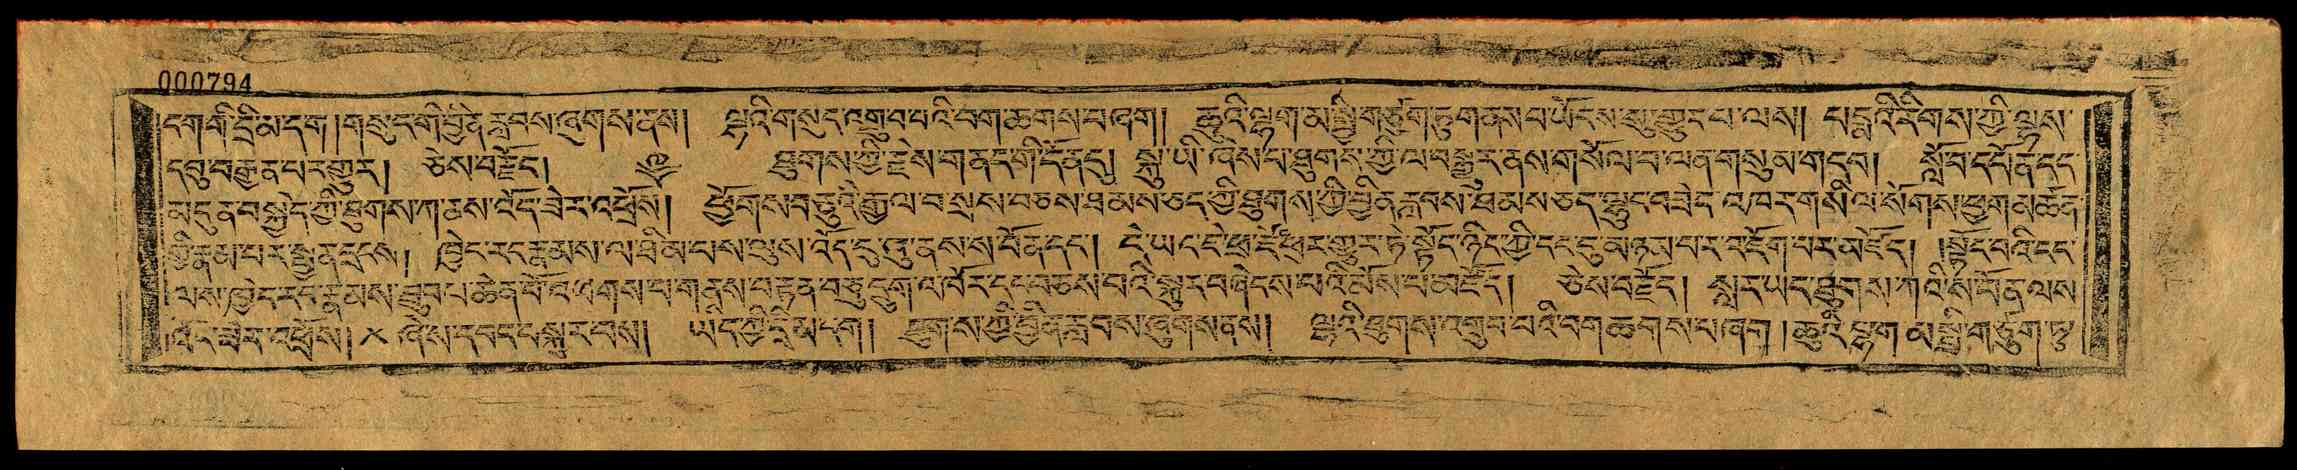དག་གི་དྲི་མ་དག །གསུང་གི་བྱིན་རླབས་ཞུགས་ནས། ལྷའི་གསུང་འགྲུབ་པའི་བག་ཆགས་བཞག། ཆུའི་ལྷག་མ་སྤྱི་གཙུག་ཏུ་གནས་པ་ཡོངས་སུ་གྱུར་པ་ལས། པདམའི་རིགས་ཀྱི་ལྷས་
དབུ་བརྒྱན་པར་གྱུར། ཅེས་བརྗོད། ༈ ཐུགས་ཀྱི་རྗེས་གནང་གི་དོན་དུ། སྐུ་ཡི་ཞེས་པ་ཐུགས་ཀྱི་ལ་བསྒྱུར་ནས་གསོལ་བ་ལན་གསུམ་གདབ། སློབ་དཔོན་དང་མདུན་བསྐྱེད་ཀྱི་ཐུགས་ཀ་ནས་འོད་ཟེར་འཕྲོས། ཕྱོགས་བཅུའི་རྒྱལ་བ་སྲས་བཅས་ཐམས་ཅད་ཀྱི་ཐུགས་ཀྱི་བྱིན་རླབས་ཐམས་ཅད་ལྷུང་བཟེད་འཁར་གསིལ་སོགས་ཕྱག་མཚན་
གྱི་རྣམ་པར་སྤྱན་དྲངས། ཁྱེད་རང་རྣམས་ལ་ཐིམ་པས་ལུས་འོད་དུ་ཞུ་ནས་ས་བོན་དང་། དེ་ཡང་ཇེ་ཕྲ་ཇེ་ཕྲར་གྱུར་ཏེ་སྟོང་ཉིད་ཀྱི་ངང་དུ་མཉམ་པར་འཇོག་པར་མཛོད། སྟོང་པའི་ངང་
ལས་ཁྱེད་རང་རྣམས་ཐུབ་པ་ཆེན་པོ་འཕགས་པ་གནས་བརྟན་བཅུ་དྲུག་འཁོར་དང་བཅས་པའི་སྐུར་བཞེངས་པའི་མོས་པ་མཛོད། ཅེས་བརྗོད། སླར་ཡང་ཐུགས་ཀའི་ས་བོན་ལས་
འོད་ཟེར་འཕྲོས། ྾་ཞེས་དབང་བསྐུར་བས། ཡིད་ཀྱི་དྲི་མ་དག། ཐུགས་ཀྱི་བྱིན་རླབས་ཞུགས་ནས། ལྷའི་ཐུགས་འགྲུབ་པའི་བག་ཆགས་བཞག །ཆུའི་ལྷག་མ་སྤྱི་གཙུག་ཏུ་